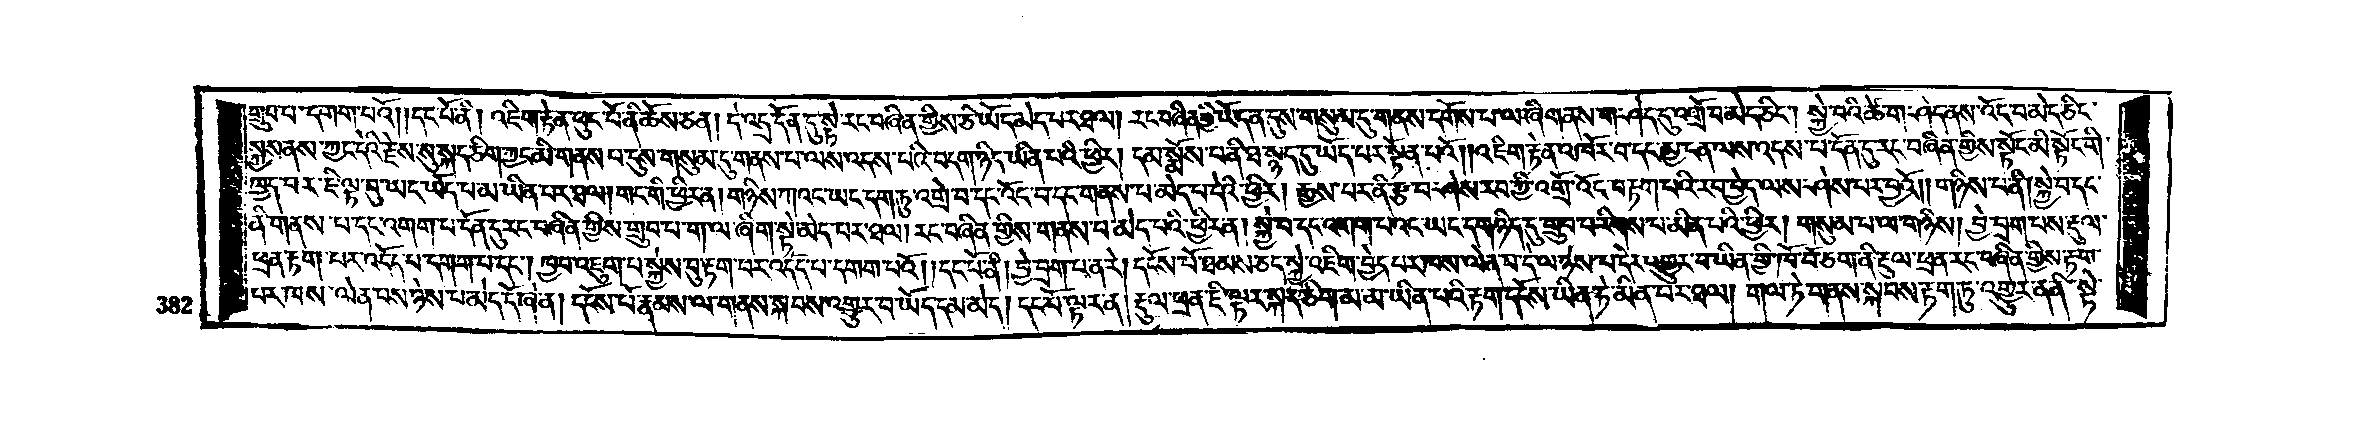གྲུབ་པ་དགག་པའོ། །དང་པོ་ནི། འཇིག་རྟེན་ཕུང་པོ་ནི་ཆོས་ཅན། དེ་འདྲ་དོན་དུ་སྟེ་རང་བཞིན་གྱིས་ཅི་ཡོད་མེད་པར་ཐལ། རང་བཞིན་གྱི་ཡོད་ན་དུས་གསུམ་དུ་གནས་དགོས་པ་ལ་ཞིག་གནས་གཤེད་དུ་འགྲོ་བ་མེད་ཅིང་། སྐྱེ་བའི་ཚེ་གཤེད་ནས་འོང་བ་མེད་ཅིང་
སྐྱས་ནས་ཀྱང་དེའི་རྗེས་སུ་སྐད་ཅིག་ཀྱང་མི་གནས་པ་དུས་གསུམ་དུ་གནས་པ་ལས་འདས་པའི་བདག་ཉིད་ཡིན་པའི་ཕྱིར། དམ་སྨོས་པ་ནི་ཐ་སྙད་དུ་ཡོད་པར་སྟོན་པའོ། །འཇིག་རྟེན་འཁོར་བ་དང་མྱ་ངན་ལས་འདས་པ་དོན་དུ་རང་བཞིན་གྱིས་སྟོང་མི་སྟོང་གི་
ཁྱད་པར་ཇི་ལྟ་བུ་ཡང་ཡོད་པ་མ་ཡིན་པར་ཐལ། གང་གི་ཕྱིར་ན། གཉིས་ཀའང་ཡང་དག་ཏུ་འགྲེ་བ་དང་འོང་བ་དང་གནས་པ་མེད་པ་དེའི་ཕྱིར། རྒྱས་པར་ནི་རྩ་བ་ཤེས་རབ་ཀྱི་འགྲོ་འོང་བརྟག་པའི་རབ་བྱེད་ལས་ཤེས་པར་བྱའོ། །གཉིས་པ་ནི། སྐྱེ་བ་དང་
ནི་གནས་པ་དང་འགག་པ་དོན་དུ་རང་བཞིན་གྱིས་གྲུབ་པ་ག་ལ་ཞིག་སྟེ་མེད་པར་ཐལ། རང་བཞིན་གྱིས་གནས་པ་མེད་པའི་ཕྱིར་ན། སྐྱེ་བ་དང་འགག་པའང་ཡང་དག་ཉིད་དུ་གྲུབ་པ་རིགས་པ་མིན་པའི་ཕྱིར། གསུམ་པ་ལ་གཉིས། བྱེ་བྲག་པས་རྡུལ་
ཕྲན་རྟག་པར་འདོད་པ་དགག་པ་དང་། ཁྱབ་འཇུག་པ་སྐྱེས་བུ་རྟག་པར་འདོད་པ་དགག་པའོ། །དང་པོ་ནི། བྱེ་བྲག་པ་ན་རེ། དངོས་པོ་ཐམས་ཅད་སྐྱེ་འཇིག་བྱེད་པར་ཁས་ལེན་པ་དེ་ལ་ཉེས་པ་དེར་འགྱུར་བ་ཡིན་གྱི་ཁོ་བོ་ཅག་ནི་རྡུལ་ཕྲན་རང་བཞིན་གྱིས་རྟག་
པར་ཁས་ལེན་པས་ཉེས་པ་མེད་དོ་ཞེ་ན། དངོས་པོ་རྣམས་ལ་གནས་སྐབས་འགྱུར་བ་ཡོད་དམ་མེད། དང་པོ་ལྟར་ན། རྡུལ་ཕྲན་ཇི་ལྟར་སྐད་ཅིག་མ་མ་ཡིན་པའི་རྟག་དངོས་ཡིན་ཏེ་མིན་པར་ཐལ། གལ་ཏེ་གནས་སྐབས་རྟག་ཏུ་འགྱུར་ན་ནི་སྟེ་